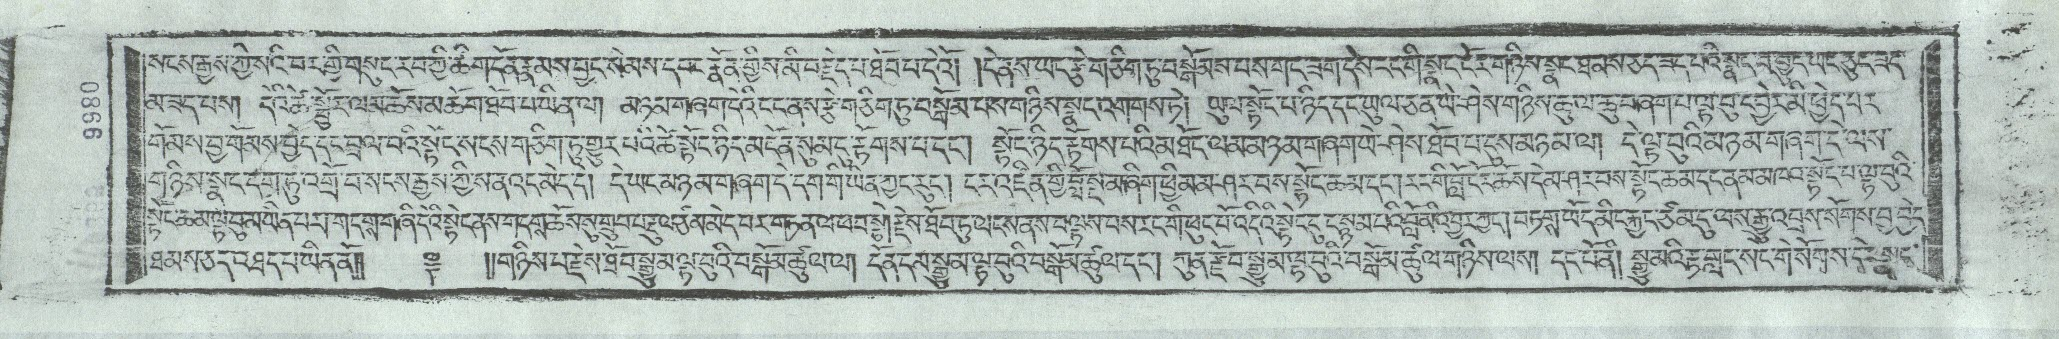སངས་རྒྱས་ཀྱི་སའི་བར་གྱི་གསུང་རབ་ཀྱི་ཚིག་དོན་རྣམས་བྱང་སེམས་དབང་རྣོན་གྱིས་མི་བརྗེད་པ་ཐོབ་པ་དེའོ། །དེ་ནས་ཡང་རྩེ་གཅིག་ཏུ་བསྒོམས་པས་གང་ཟག་དེས་རང་གི་སྣང་ངོར་གཉིས་སྣང་ཐམས་ཅད་ཟད་པའི་སྣང་བ་བྱུང་ཡང་ཅུང་ཟད་
མ་ཟད་པས། དེའི་ཚེ་སྦྱོར་ལམ་ཆོས་མཆོག་ཐོབ་པ་ཡིན་ལ། མཉམ་གཞག་དེའི་ངང་ནས་རྩེ་གཅིག་ཏུ་བསྒོམ་པས་གཉིས་སྣང་འགགས་ཏེ། ཡུལ་སྟོང་པ་ཉིད་དང་ཡུལ་ཅན་ཡེ་ཤེས་གཉིས་ཆུལ་ཆུ་བཞག་པ་ལྟ་བུ་དབྱེར་མི་ཕྱེད་པར་
གོམས་བྱ་གོམས་བྱེད་དང་བྲལ་བའི་སྟོང་སངས་གཅིག་ཏུ་གྱུར་པའི་ཚེ་སྟོང་ཉིད་མངོན་སུམ་དུ་རྟོགས་པ་དང་། སྟོང་ཉིད་རྟོགས་པའི་མཐོང་ལམ་མཉམ་གཞག་ཡེ་ཤེས་ཐོབ་པ་དུས་མཉམ་ལ། དེ་ལྟ་བུའི་མཉམ་གཞག་དེ་ལས་
གཉིས་སྣང་དག་ཏུ་འགྲོ་བ་སངས་རྒྱས་ཀྱིས་ནའང་མེད་དེ། དེ་ཡང་མཉམ་གཞག་དེ་དག་གི་ཡིན་ཀྱང་རུང་། ངར་འཛིན་གྱི་བློ་སྔ་མ་ཞིག་ཕྱི་མ་མ་ཤར་བས་སྟོང་ཆམ་དང་། རང་གི་བློ་ངོར་ཆོས་དེ་མ་ཤར་བས་སྟོང་ཆམ་དང་ནམ་མཁའ་སྟོང་པ་ལྟ་བུའི་
སྟོང་ཆམ་ལྟ་བུ་མ་ཡིན་པར། གདགས་གཞི་དེའི་སྟེང་ནས་གདགས་ཆོས་སུ་གྲུབ་པ་རྡུལ་ཙམ་མེད་པར་གཏན་ལ་ཕབ་སྟེ། རྗེས་ཐོབ་ཏུ་ལངས་ནས་བལྟས་པར་རང་གི་ཕུང་པོ་འདིའི་སྟེང་དུ་ང་སྙམ་པའི་བློ་མི་འབྱར་ཀྱང་། བཏགས་ཡོད་མིང་རྐྱང་ཙམ་དུ་ལས་རྒྱུ་འབྲས་སོགས་བྱ་བྱེད་
ཐམས་ཅད་འཐད་པ་ཡིན་ནོ།། ༈ །།གཉིས་པ་རྗེས་ཐོབ་སྒྱུ་མ་ལྟ་བུའི་བསྒོམ་ཚུལ་ལ། དོན་དམ་སྒྱུ་མ་ལྟ་བུའི་བསྒོམ་ཚུལ་དང་། ཀུན་རྫོབ་སྒྱུ་མ་ལྟ་བུའི་བསྒོམ་ཚུལ་གཉིས་ལས། དང་པོ་ནི། སྒྱུ་མའི་རྟ་གླང་སེང་གེ་སོགས་དེར་སྣང་